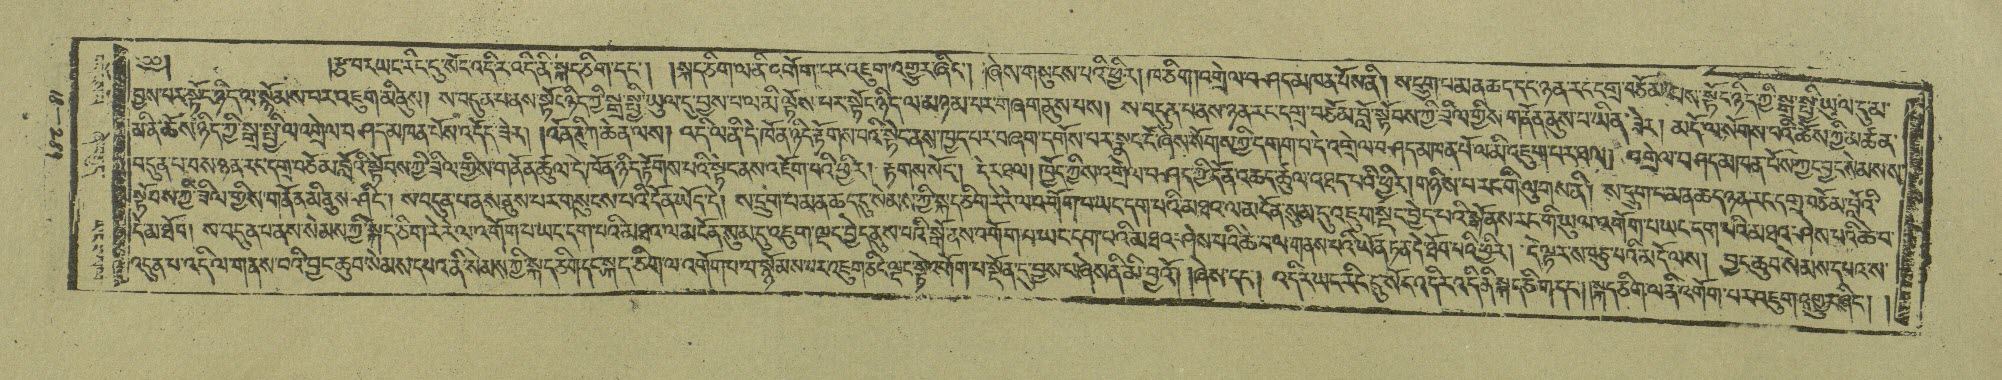༄༅། །རྩ་བར་ཡང་རིང་དུ་སོང་འདིར་འདི་ནི་སྐད་ཅིག་དང་། །སྐད་ཅིག་ལ་ནི་འགོག་པར་འཇུག་འགྱུར་ཞིང་། །ཞེས་གསུངས་པའི་ཕྱིར། ཁ་ཅིག །འགྲེལ་བཤད་མཁན་པོས་ནི། ས་དྲུག་པ་མན་ཆད་དང་ཉན་རང་དགྲ་བཅོམ་པས་སྟོང་ཉིད་ཀྱི་སྒྲ་སྤྱི་ཡུལ་དུ་མ་
བྱས་པར་སྟོང་ཉིད་ལ་སྙོམས་པར་འཇུག་མི་ནུས། ས་བདུན་པ་ནས་སྟོང་ཉིད་ཀྱི་སྒྲ་སྤྱི་ཡུལ་དུ་བྱས་པ་ལ་མི་ལྟོས་པར་སྟོང་ཉིད་ལ་མཉམ་པར་གཞག་ནུས་པས། ས་བདུན་པ་ནས་ཉན་རང་དགྲ་བཅོམ་བློ་སྟོབས་ཀྱི་ཟིལ་གྱིས་གནོན་ནུས་པ་ཡིན་ཟེར། མདོ་ལ་སོགས་པའི་ཆོས་ཀྱི་མཚན་
མ་ནི་ཆོས་ཉིད་ཀྱི་སྒྲ་སྤྱི་ལ་འགྲེལ་བཤད་མཁན་པོས་འདོད་ཟེར། །འོ་ན་ཊིཀ་ཆེན་ལས། འདི་ལ་ནི་དེ་ཁོ་ན་ཉིད་རྟོགས་པའི་སྟེང་ནས་ཁྱད་པར་བཞག་དགོས་པར་སྣང་ངོ་ཞེས་སོགས་ཀྱི་དགག་པ་དེ་འགྲེལ་བཤད་མཁན་པོ་ལ་མི་འཇུག་པར་ཐལ། འགྲེལ་བཤད་མཁན་པོས་ཀྱང་བྱང་སེམས་ས་
བདུན་པ་བས་ཉན་རང་དགྲ་བཅོམ་བློའི་སྟོབས་ཀྱི་ཟིལ་གྱིས་གནོན་ཚུལ་དེ་ཁོ་ན་ཉིད་རྟོགས་པའི་སྟེང་ནས་འཇོག་པའི་ཕྱིར། རྟགས་སོང་། དེར་ཐལ། ཁྱོད་ཀྱིས་འགྲེལ་བཤད་ཀྱི་དོན་འཆད་ཚུལ་འཐད་པའི་ཕྱིར། གཉིས་པ་རང་གི་ལུགས་ནི། ས་དྲུག་པ་མན་ཆད་ཉན་རང་དགྲ་བཅོམ་བློའི་
སྟོབས་ཀྱི་ཟིལ་གྱིས་གནོན་མི་ནུས་ཤིང་། ས་བདུན་པ་ནས་ནུས་པར་གསུངས་པའི་དོན་ཡོད་དེ། ས་དྲུག་པ་མན་ཆད་དུ་སེམས་ཀྱི་སྐད་ཅིག་རེ་རེ་ལ་འགོག་པ་ཡང་དག་པའི་མཐའ་ལ་མངོན་སུམ་དུ་འཇུག་སྡང་བྱེད་པའི་སྒོ་ནས་རང་གི་ཡུལ་འགོག་པ་ཡང་དག་པའི་མཐའ་ཤེས་པའི་ཆེ་བ་
དེ་མ་ཐོབ། ས་བདུན་པ་ནས་སེམས་ཀྱི་སྐད་ཅིག་རེ་རེ་ལ་འགོག་པ་ཡང་དག་པའི་མཐའ་ལ་མངོན་སུམ་དུ་འཇུག་ལྡང་བྱེད་ནུས་པའི་སྒོ་ནས་འགོག་པ་ཡང་དག་པའི་མཐའ་ཤེས་པའི་ཆེ་བ་ལ་གནས་པའི་ཡོན་ཏན་དེ་ཐོབ་པའི་ཕྱིར། དེ་ལྟར་ས་བཅུ་པའི་མདོ་ལས། བྱང་ཆུབ་སེམས་དཔའ་ས་
བདུན་པ་འདི་ལ་གནས་པའི་བྱང་ཆུབ་སེམས་དཔའ་ནི་སེམས་ཀྱི་སྐད་ཅིག་དང་སྐད་ཅིག་ལ་འགོག་པ་ལ་སྙོམས་པར་འཇུག་ཅིང་ལྡང་སྟེ་འགོག་པ་སྔོན་དུ་བྱས་པ་ཞེས་ནི་མི་བྱའོ། །ཞེས་དང་། འདིར་ཡང་རིང་དུ་སོང་འདིར་འདི་ནི་སྐད་ཅིག་དང་། །སྐད་ཅིག་ལ་ནི་འགོག་པར་འཇུག་འགྱུར་ཞིང་། །